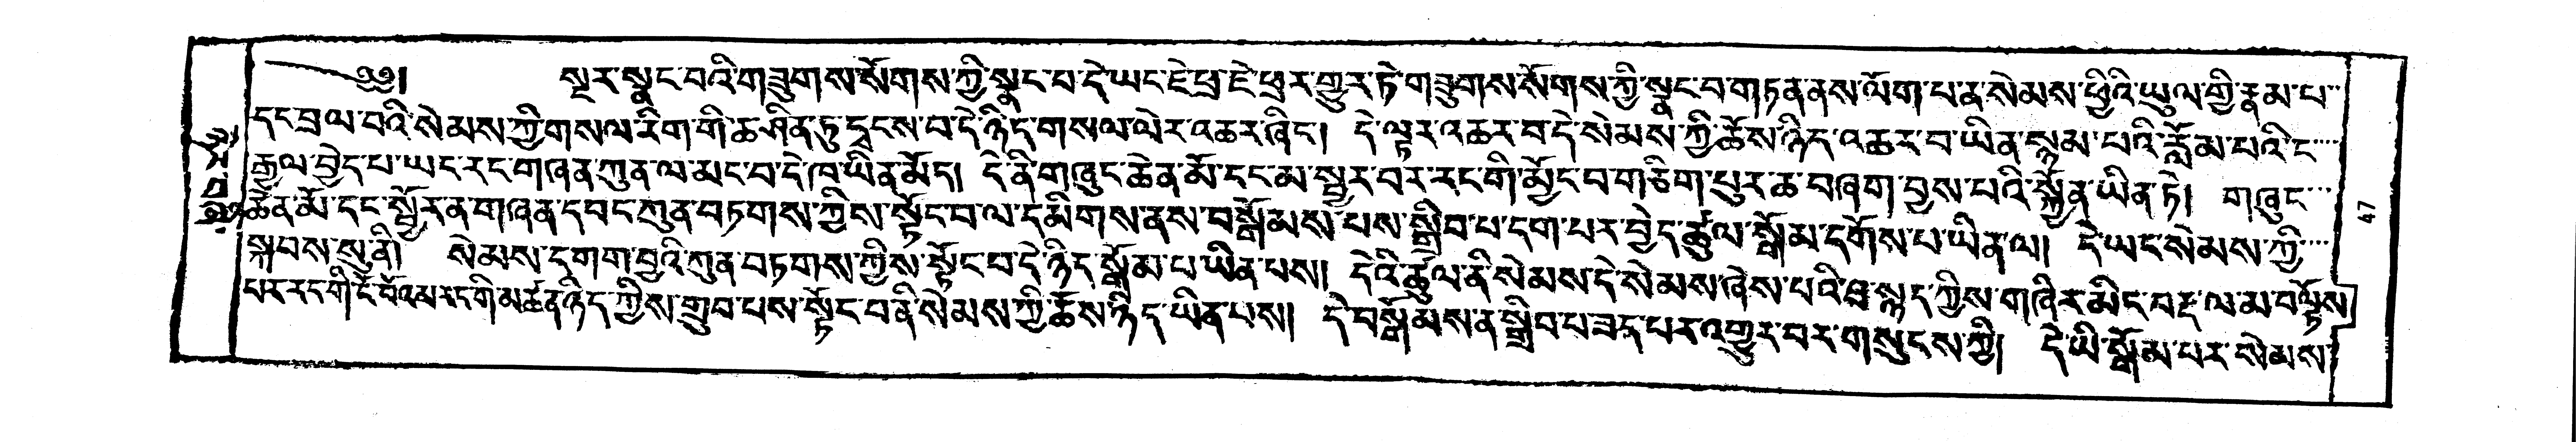༄༅། །སྔར་སྣང་བའི་གཟུགས་སོགས་ཀྱི་སྣང་བ་དེ་ཡང་ཇེ་ཕྲ་ཇེ་ཕྲར་གྱུར་ཏེ་གཟུགས་སོགས་ཀྱི་སྣང་བ་གཏན་ནས་ལོག་པ་ན་སེམས་ཕྱིའི་ཡུལ་གྱི་རྣམ་པ་
དང་བྲལ་བའི་སེམས་ཀྱི་གསལ་རིག་གི་ཆ་ཤིན་ཏུ་དྭངས་བ་དེ་ཉིད་གསལ་ལེར་འཆར་ཞིང་། དེ་ལྟར་འཆར་བ་དེ་སེམས་ཀྱི་ཆོས་ཉིད་འཆར་བ་ཡིན་སྙམ་པའི་རློམ་པའི་ང་
རྒྱལ་བྱེད་པ་ཡང་རང་གཞན་ཀུན་ལ་མང་བ་དེ་ཁ་ཡིན་མོད། དེ་ནི་གཞུང་ཆེན་མོ་དང་མ་སྦྱར་བར་རང་གི་མྱོང་བ་གཅིག་པུར་ཆ་བཞག་བྱས་པའི་སྐྱོན་ཡིན་ཏེ། གཞུང་
ཆེན་མོ་དང་སྦྱོར་ན་གཞན་དབང་ཀུན་བཏགས་ཀྱིས་སྟོང་བ་ལ་དམིགས་ནས་བསྒོམས་པས་སྒྲིབ་པ་དག་པར་བྱེད་ཚུལ་སྒོམ་དགོས་པ་ཡིན་ལ། དེ་ཡང་སེམས་ཀྱི་
སྐབས་སུ་ནི། སེམས་དགག་བྱའི་ཀུན་བཏགས་ཀྱིས་སྟོང་བ་དེ་ཉིད་སྒོམ་པ་ཡིན་པས། དེའི་ཚུལ་ནི་སེམས་དེ་སེམས་ཞེས་པའི་ཐ་སྙད་ཀྱིས་གཞིར་མིང་བརྡ་ལ་མ་བལྟོས་
པར་རང་གི་ངོ་བོའམ་རང་གི་མཚན་ཉིད་ཀྱིས་གྲུབ་པས་སྟོང་བ་ནི་སེམས་ཀྱི་ཆོས་ཉིད་ཡིན་པས། དེ་བསྒོམས་ན་སྒྲིབ་པ་ཟད་པར་འགྱུར་བར་གསུངས་ཀྱི། དེ་ཡི་སྒོམ་པར་སེམས་